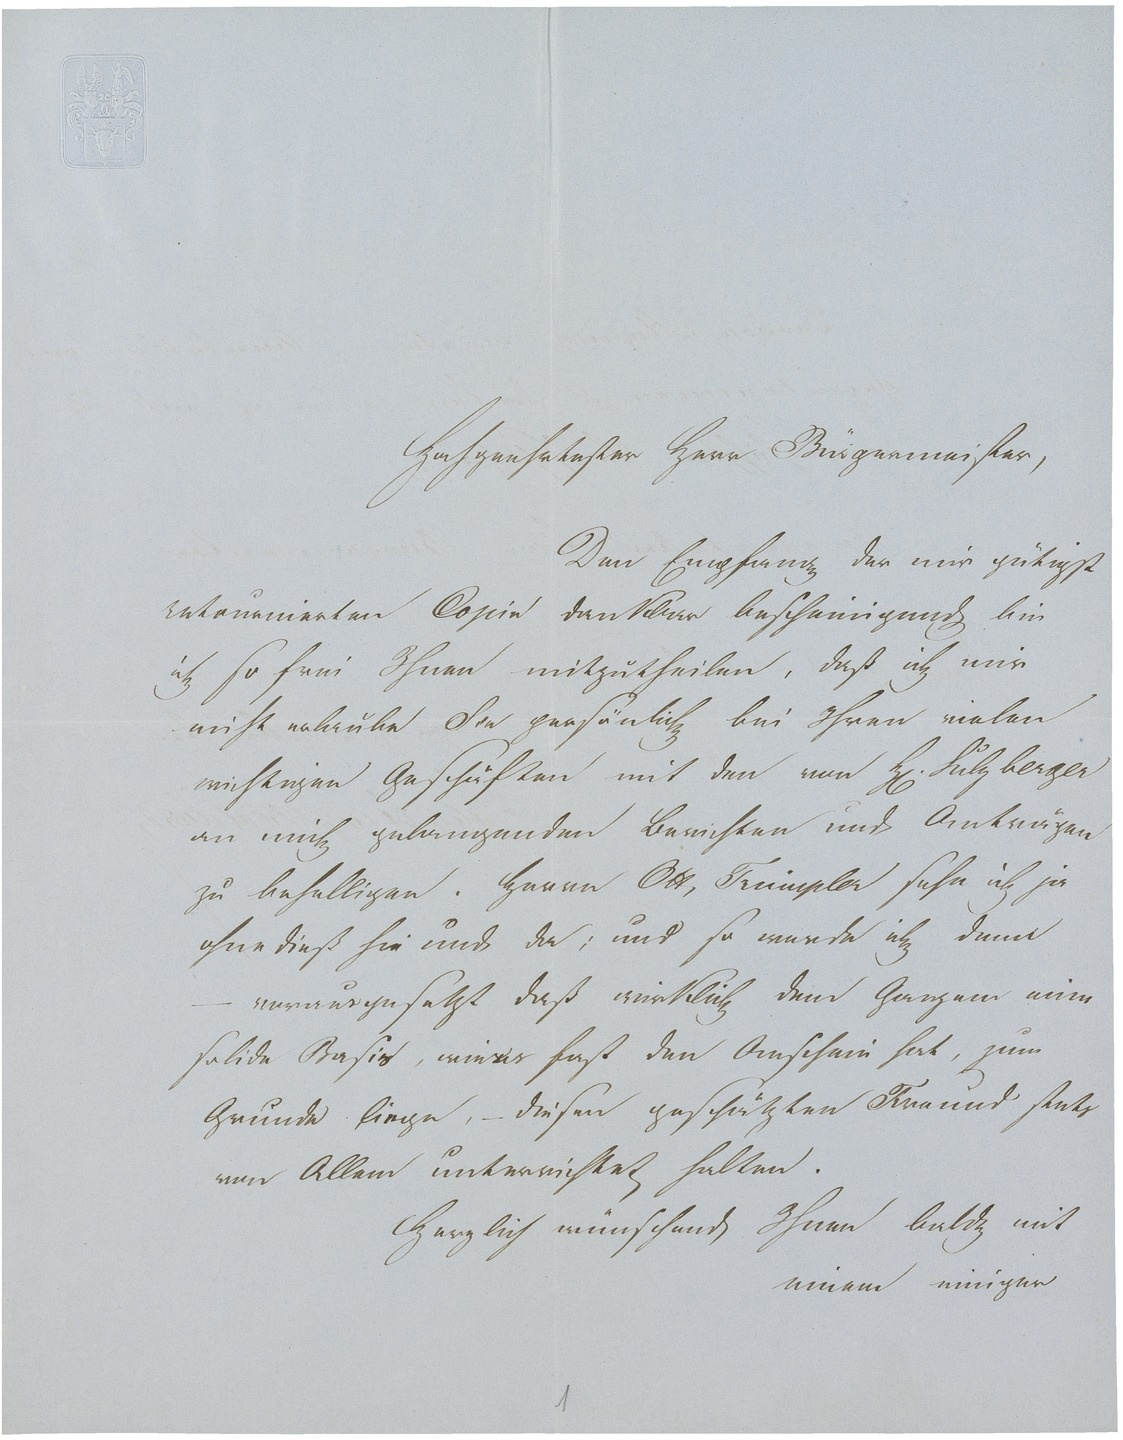Hochgeehrtester Herr Bürgermeister,
Den Empfang der mir gütigst
retournierten Copie dankbar bescheinigend bin
ich so frei Ihnen mitzutheilen, daß ich mir
nicht erlaube Sie persönlich bei Ihren vielen
wichtigen Geschäften mit den von H. Sulzberger
an mich gelangenden Berichten und Anträgen
zu behelligen. Herrn Ott Trümpler sehe ich ja
ohne dieß hie und da; und so werde ich denn
vorausgesetzt daß wirklich dem Ganzem eine
solide Basis, wie es fast den Anschein hat, zum
Grunde liege, – diesen geschätzten Freund stets
von Allem unterrichtet halten.
Herzlich wünschend Ihnen bald mit
einem einiger